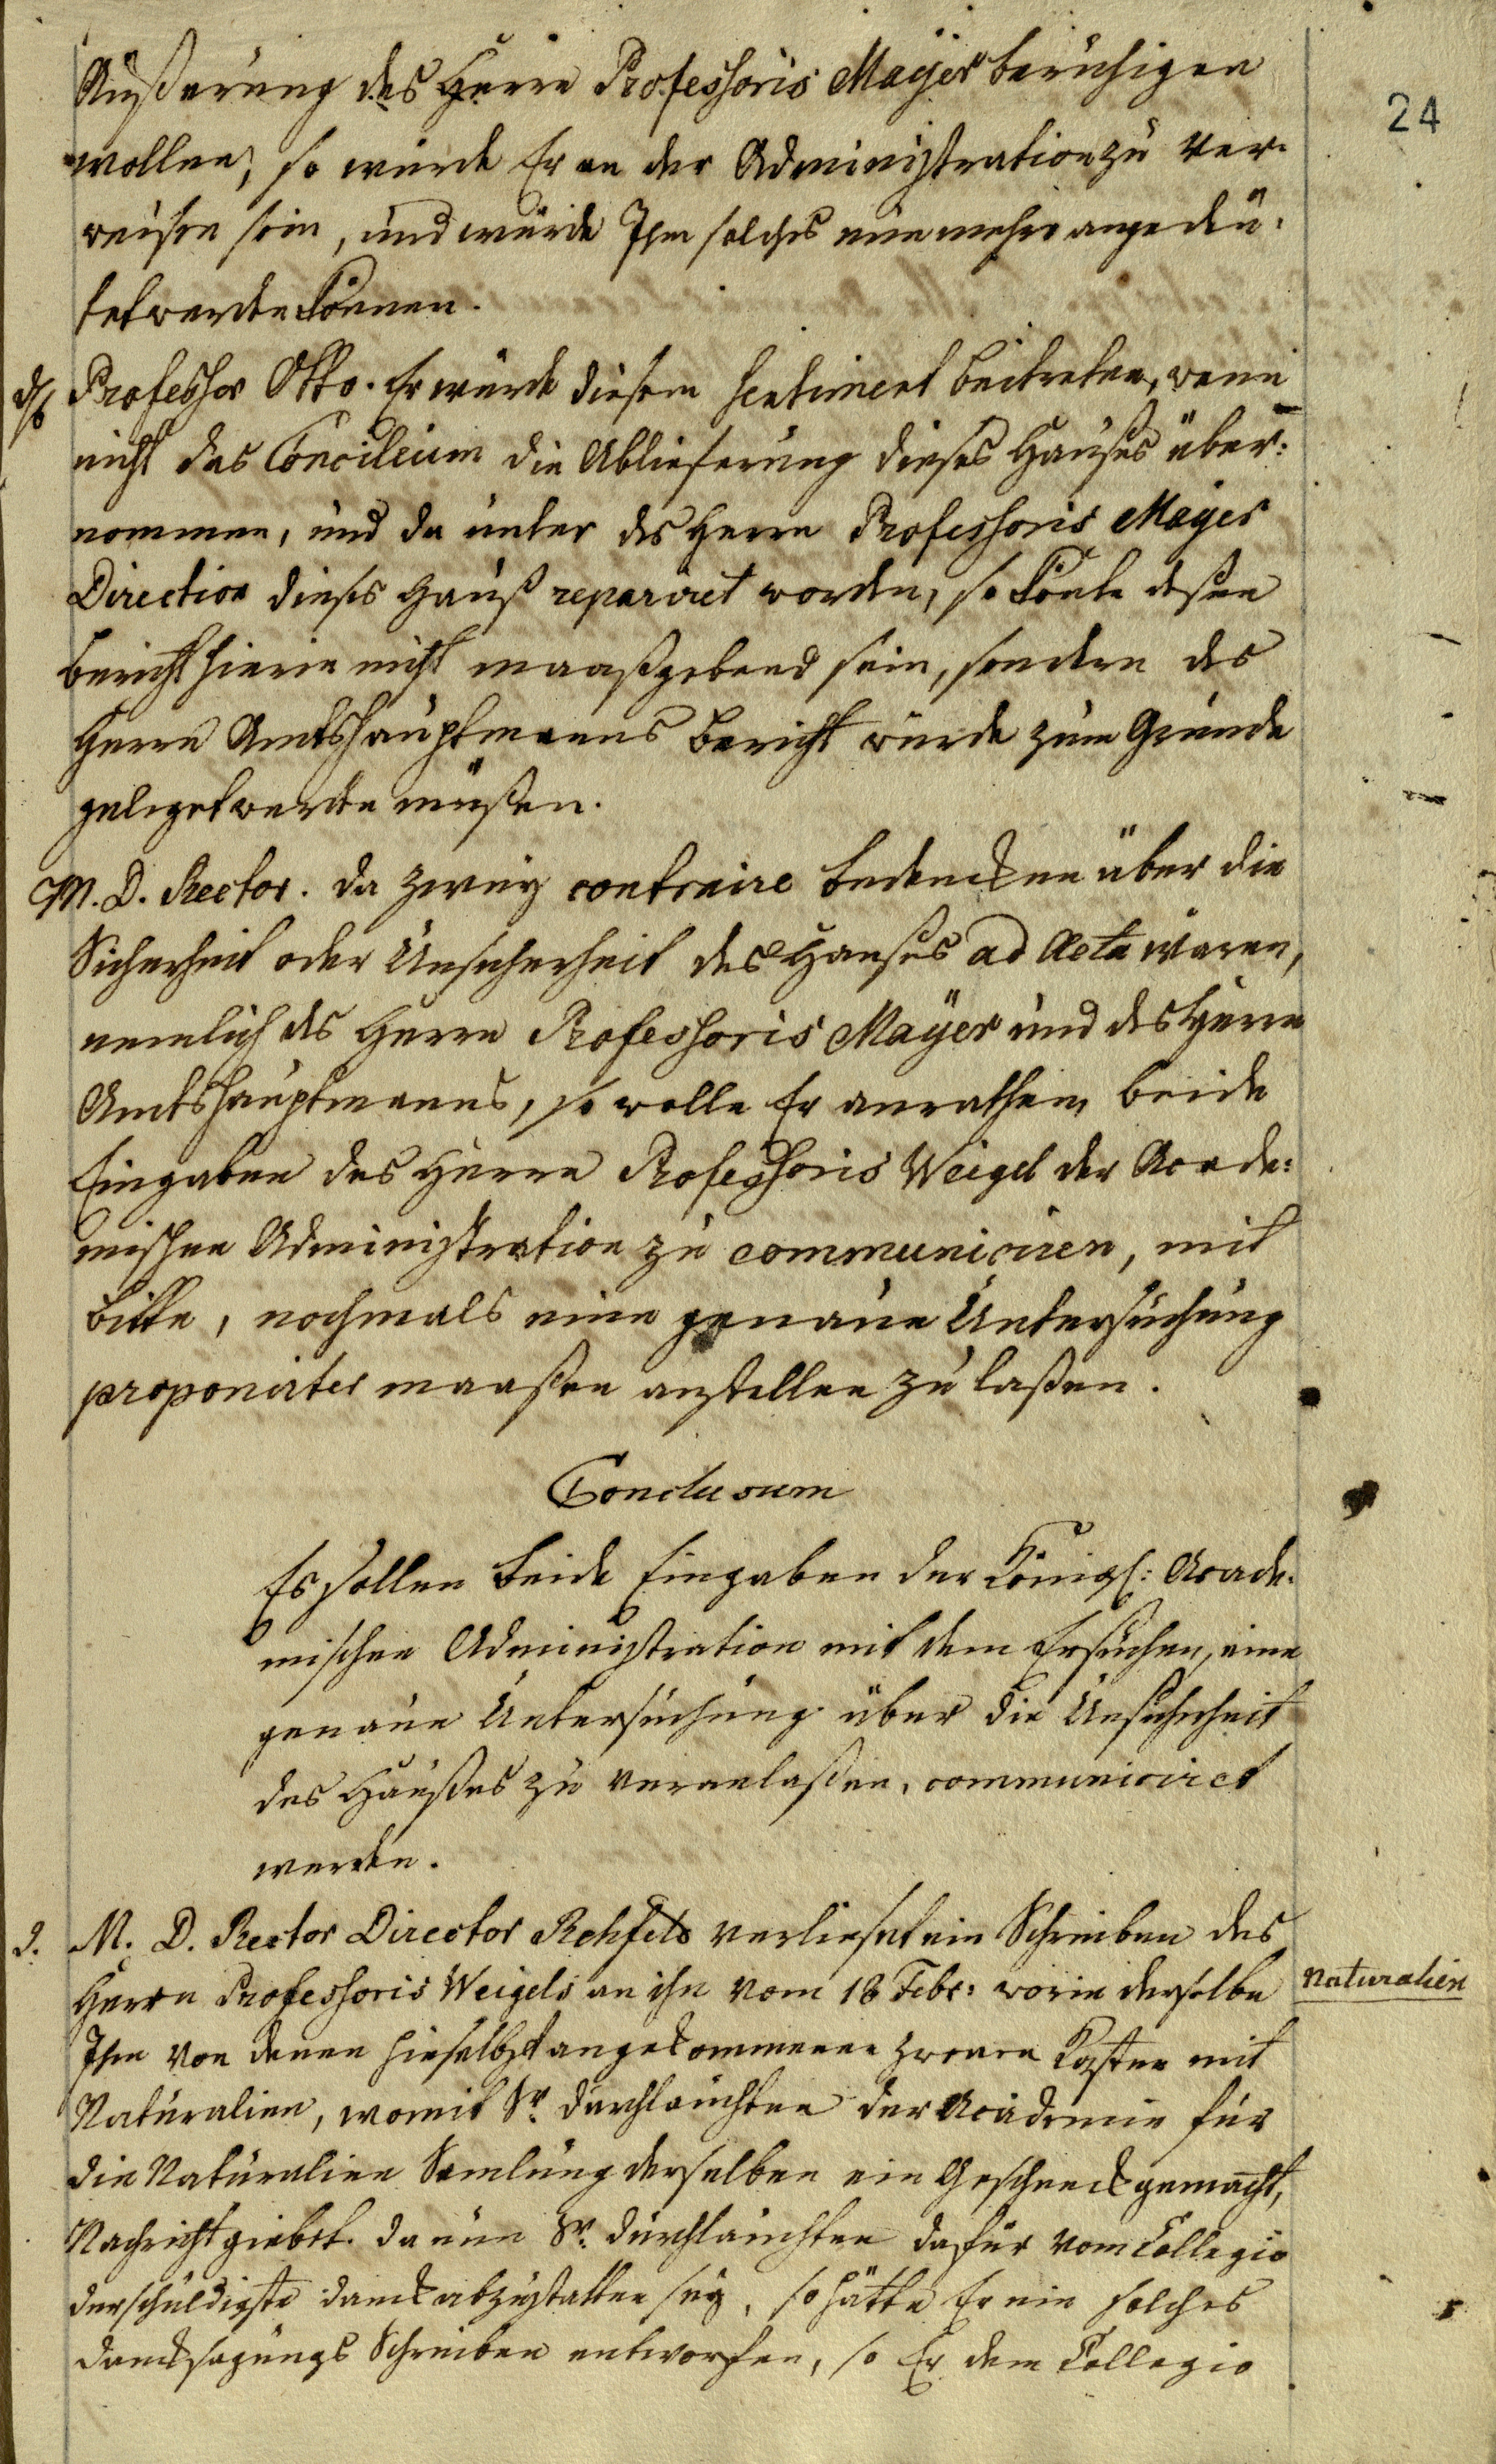Äußerung des Herrn Professoris Maÿer beruhigen
wollen, so würde Er an der Administration zu ver¬
weisen sein, und würde Ihm solches nunmehro angedeu¬
tet werden können.
dh Professor Otto. Er würde diesem sentiment beitreten, wenn
nicht das Concilium die Ablieferung dieses Haußes über¬
nommen, und da unter des Herrn Professoris Maÿer
Direction dieses Hauß repariret worden, so könte deßen
Bericht hierin nicht maaßgebend sein, sondern des
Herrn Amtshauptmanns Bericht würde zum Grunde
geleget werden müßen.
M. D. Rector. Da zweÿ contraire Bedenken über die
Sicherheit oder Unsicherheit des Haußes ad Acta wären,
nemlich des Herrn Profesoris Maÿer und des Herrn
Amtshauptmanns, so wolle Er anrathen, beide
Eingaben des Herrn Professoris Weigel der Acade¬
mischen Administration zu communiciren, mit
Bitte, nochmals eine genaue Untersuchung
proponirter maaßen anstellen zu laßen.
Conclusum
Es sollen beide Eingaben der Königl. Acade¬
mischen Administration mit dem Ersuchen, eine
genaue Untersuchung über die Unsicherheit
des Haußes zu veranlaßen, communiciret
werden.
2. M. D. Rector Director Rehfeld verleiset ein Schreiben des
Herrn Professoris Weigels an ihn vom 18 Febr. worin derselbe
Ihm von denen hieselbt angekommenen zweene Kasten mit
Naturalien, womit Sr. Durchlauchten der Academie für
die Naturalien Samlung derselben ein Geschenk gemacht,
Nachricht giebet. Da nun Sr. Durchlauchten dafür vom Collegio
der schuldigste Dank abzustatten seÿ, so hätte Er ein solches
Danksagungs Schreiben entworfen, so Er dem Collegio